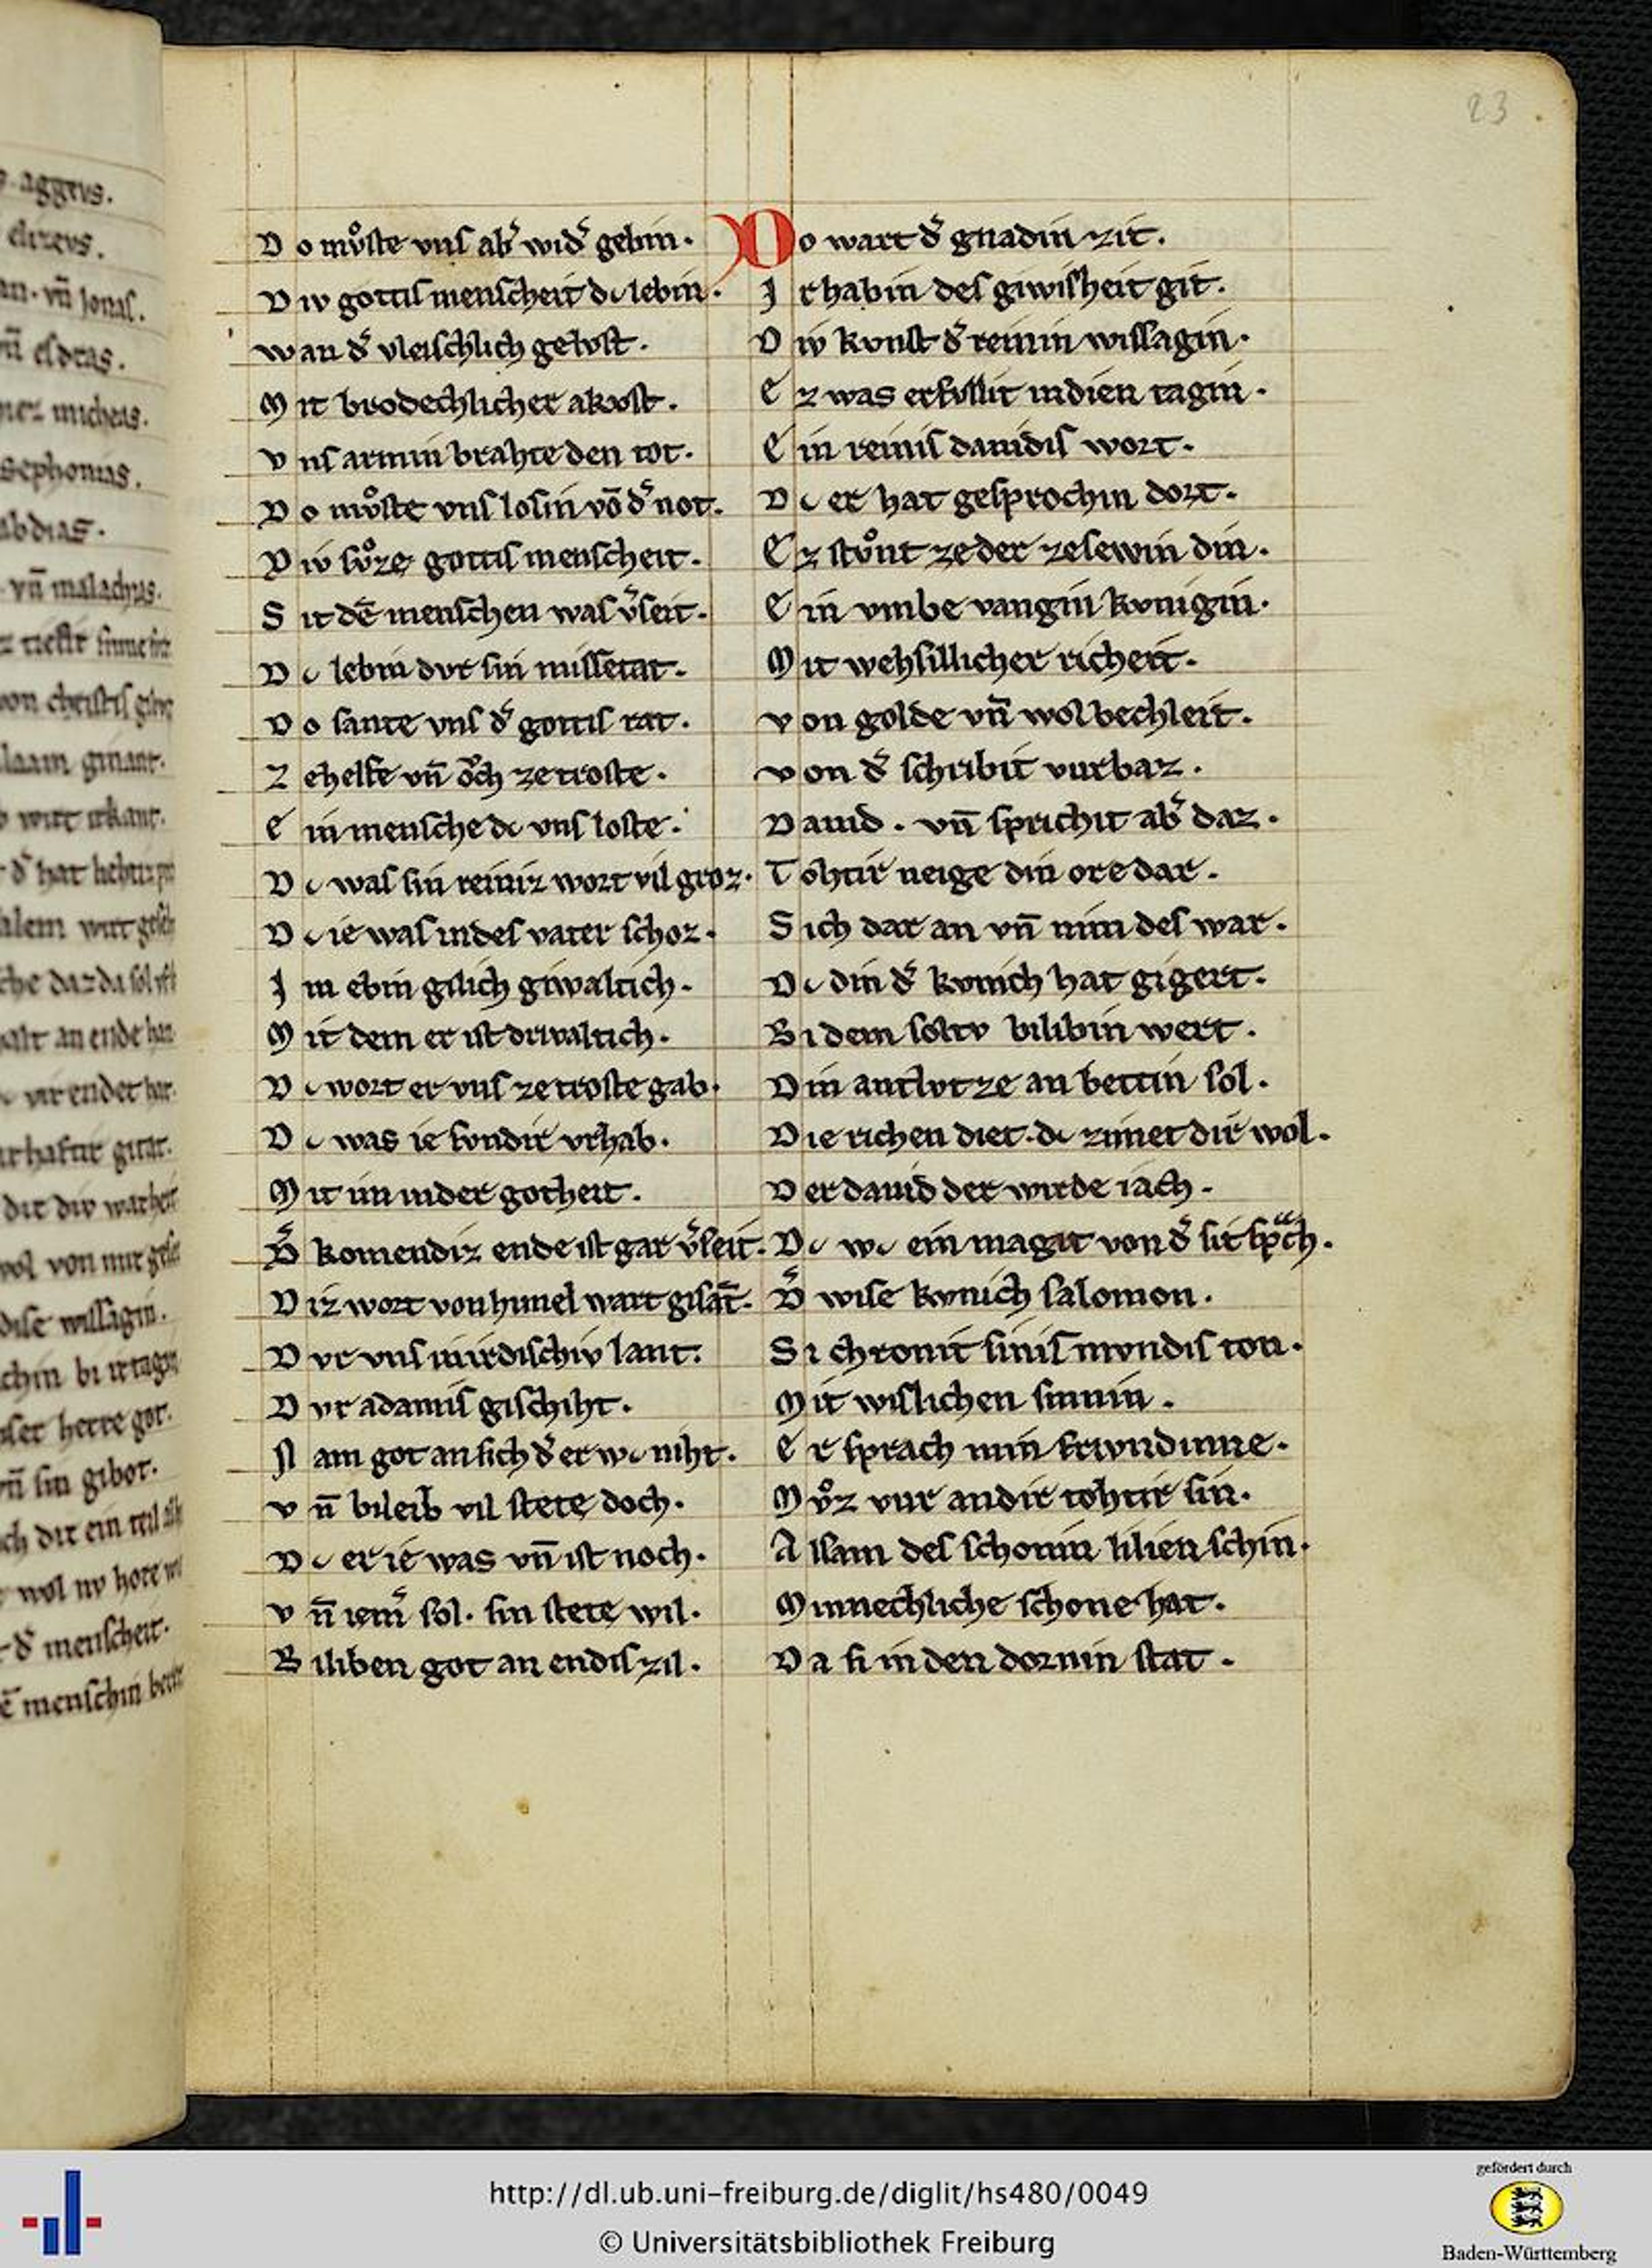Do mv°oſte vnſ ab(er) wid(er) gebin.
Div gottiſ menſcheit d(az) lebin.
Wan d(er) vleiſchlich gelvſt.
Mit brodechlicher akvſt.
Vnſ armin brahte den tot.
Do mv°oſte vnſ loſin vo(n) d(er) not.
Div ſv°oze gottiſ menſcheit.
Sit de(m) menſchen waſ v(er)ſeit.
D(az) lebin dvr ſin miſſetat.
Do ſante vnſ d(er) gottiſ rat.
Zehelfe vn(d) o°vch ze troſte.
Ein menſche d(az) vnſ loſte.
D(az) waſ ſin reiniz wort vil groz.
D(az) ie waſ indeſ vater ſchoz.
Im ebin gilich giwaltich.
Mit dem er iſt drivaltich.
D(az) wort er vnſ ze troſte gab.
D(az) was ie ſvndir vrhab.
Mit im inder gotheit.
D(er) komendiz ende iſt gar v(er)ſeit.
Diz wort von himel wart giſa(n)t.
Dvr vnſ in irdiſchiv lant.
Dvr adamiſ giſchiht.
Nam got an ſich d(er) er w(az) niht.
Vn(d) bileib vil ſtete doch.
D(az) er ie was vn(d) iſt noch.
Vn(d) iem(er) ſol. ſin ſtete wil.
Biliben got an endiſ zil.
*Do wart d(er) gnadin zit.
Irhabin deſ giwiſheit git.
Div kvnſt d(er) reinin wiſſagin.
Ez was erfvllit indien tagin.
Ein reiniſ dauidiſ wort.
D(az) er hat geſprochin dort.
Ez ſtv°ont ze der zeſewin din.
Ein vmbe vangin kvnigin.
Mit wehſillicher richeit.
Von golde vn(d) wol bechleit.
Von d(er) ſchribit vurbaz.
Dauid. vn(d) ſprichit ab(er) daz.
Tohtir neige din ore dar.
Sich dar an vn(d) nim deſ war.
D(az) din d(er) kvnich hat gigert.
Bi dem ſoltv bilibin wert.
Din antlvtze an bettin ſol.
Die richen diet. d(az) zimet dir wol.
Der dauid der wirde iach.
D(az) w(az) ein magit von d(er) ſit ſp(ra)ch.
D(er) wiſe kvnich ſalomon.
Si chronit ſiniſ mvndiſ ton.
Mit wiſlichen ſinnin.
Er ſprach min frivndinne.
Mv°oz vur andir tohtir ſin.
Alſam deſ ſchonin lilien ſchin.
Minnechliche ſchone hat.
Da ſi in den dornin ſtat.